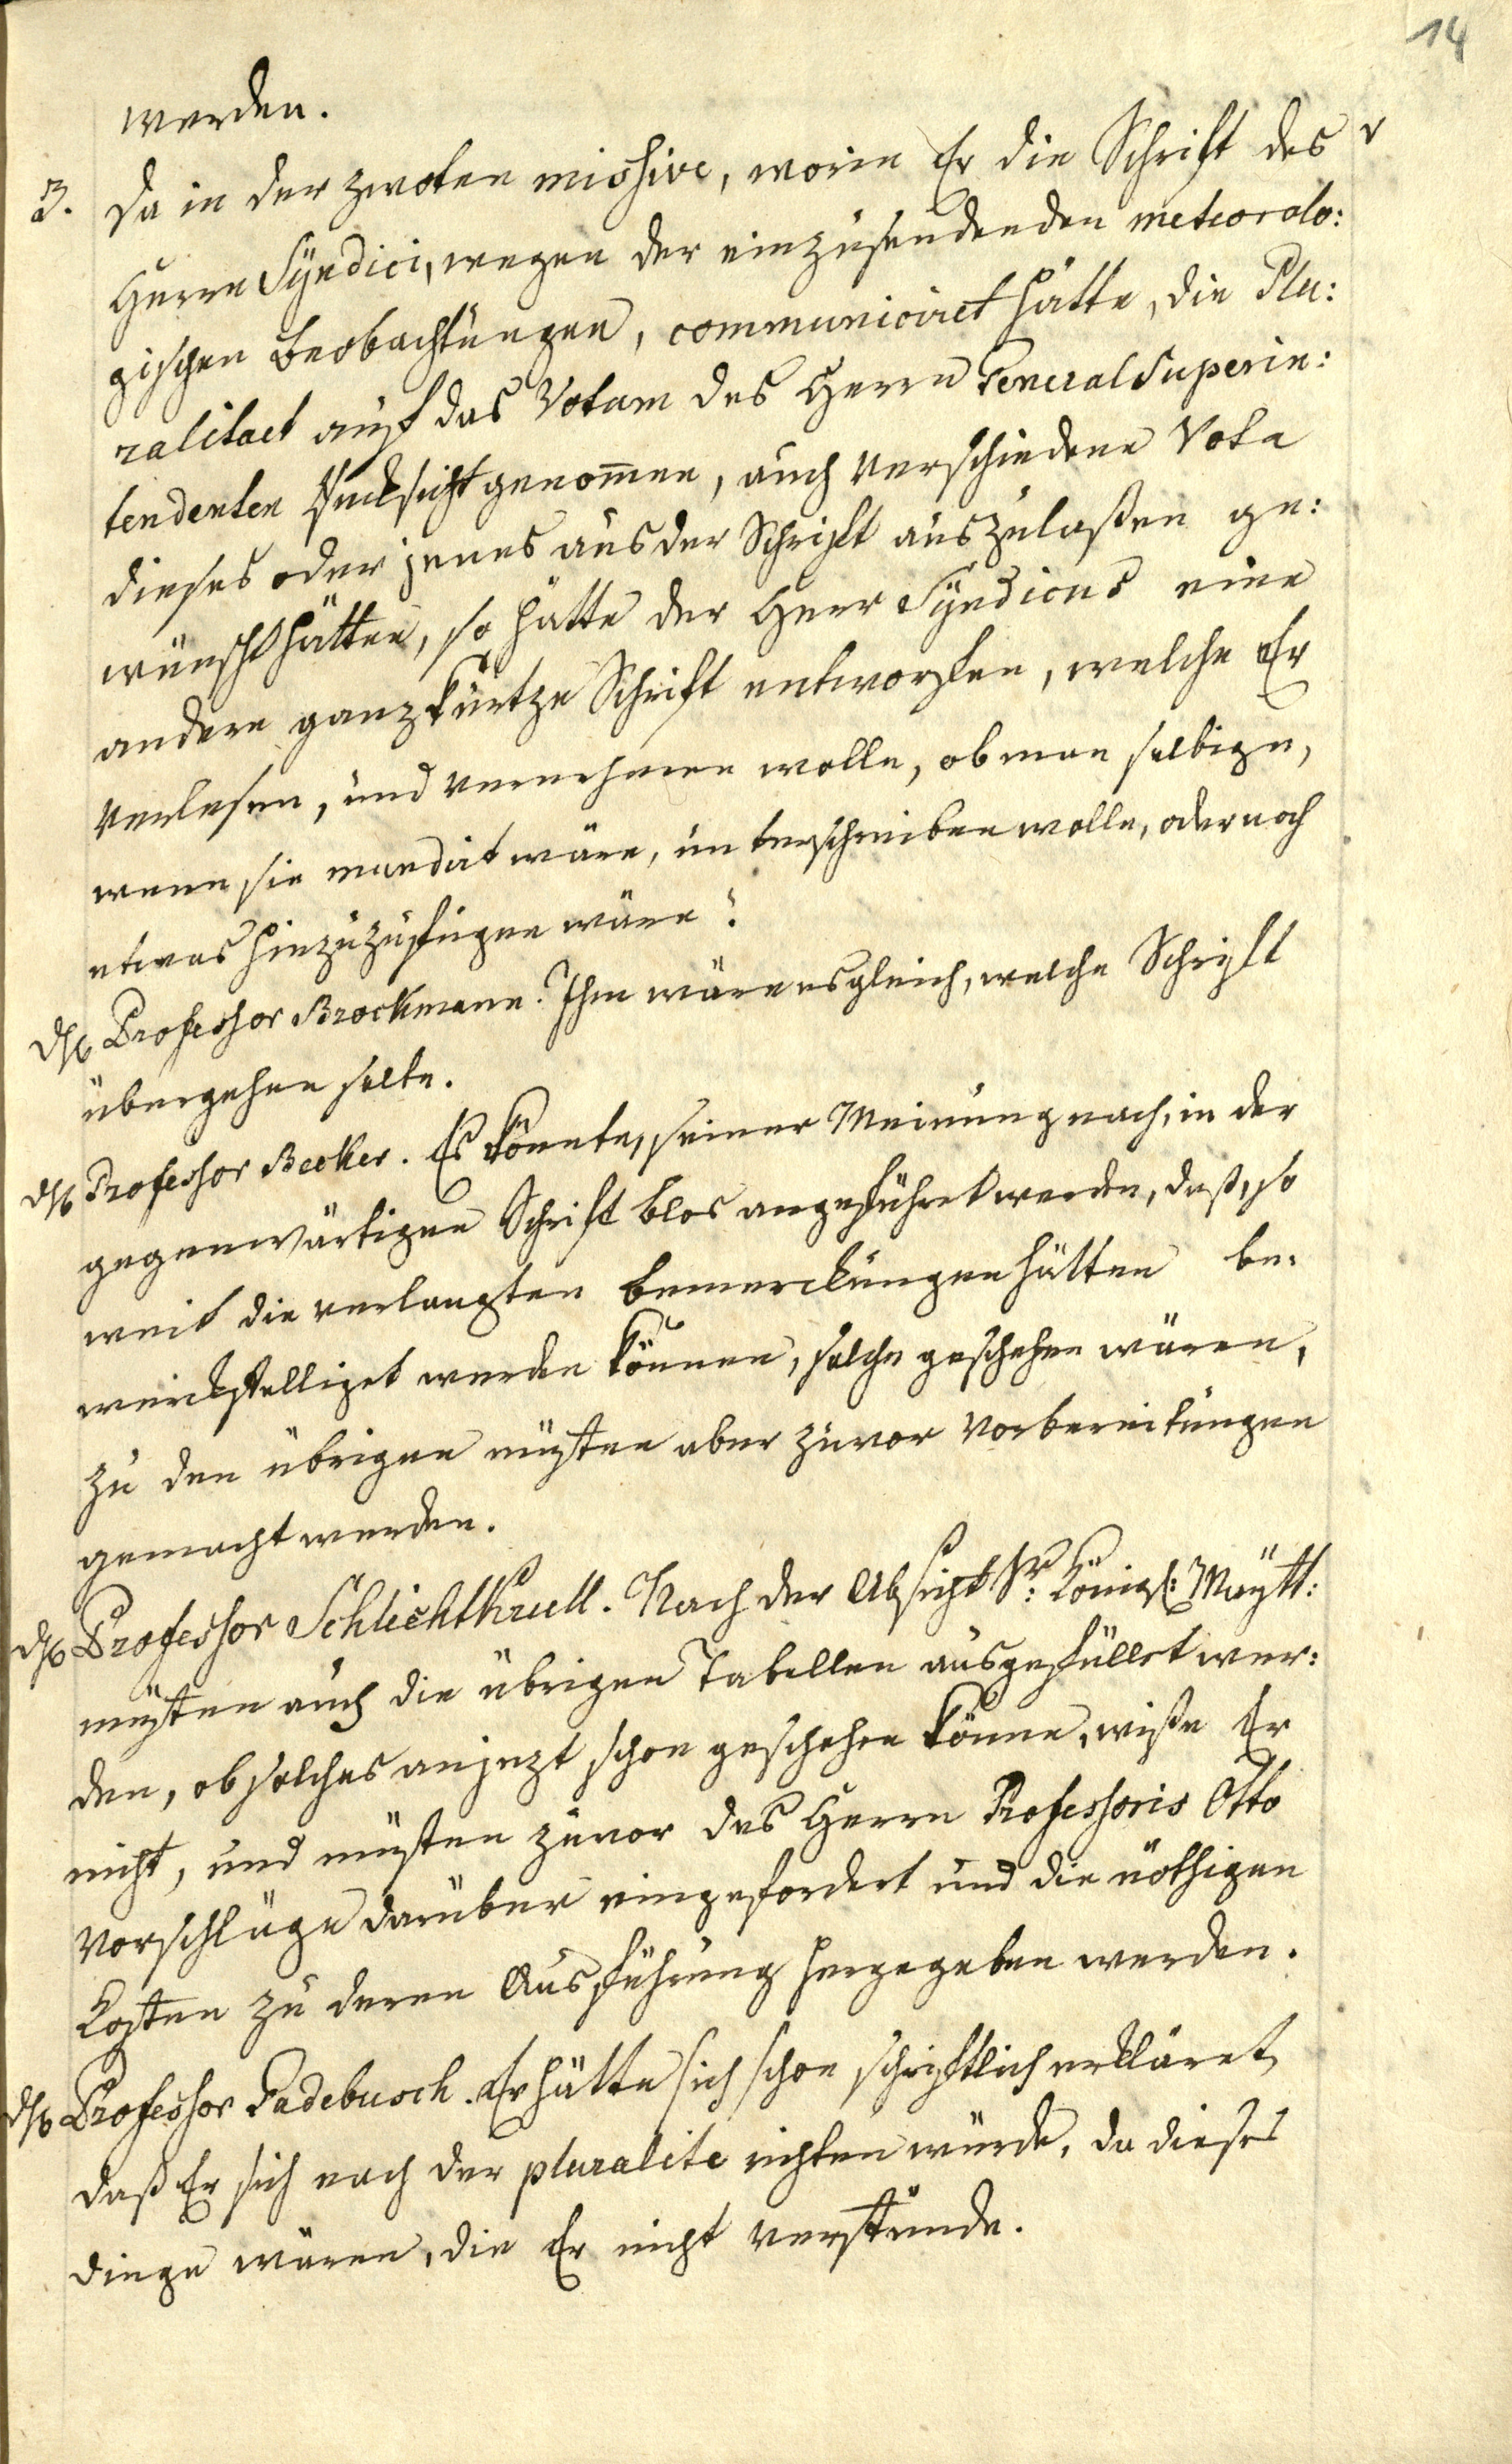werden.
3. Da in der zwoten missive, worin Er die Schrift des
Herrn Sÿndici wegen der einzusendenden meteorolo¬
gischen Beobachtungen, communiciret hätte, die Plu¬
ralitaet auf das Votum des Herrn GeneralSuperin¬
tendenten Rücksicht genomen, auch verschiedene Vota
dieses oder jenes aus der Schrift auszulaßen ge¬
wünscht hätten, so hätte der Herr Sÿndicus eine
andere ganz kurtze Schrift entworfen, welche Er
verlesen, und vernehmen wolle, ob man selbige,
wenn sie mundirt wäre, unterschreiben wolle, oder noch
etwas hinzuzufügen wäre?
dh. Professor Brockmann. Ihm wäre es gleich, welche Schrift
übergehen solte.
dh Professor Becker. Es könnte, seiner Meinungach, in der
gegenwärtigen Schrift blos angeführet werden, daß, so
weit die verlangten Bemerckungen hätten be¬
werkstelliget werden können, solche geschehen wären,
zu den übrigen müsten aber zuvor Vorbereitungen
gemacht werden.
dh Professor Schlichtkrull. Nach der Absicht Sr Königl Maÿtt.
müsten auch die übrigen Tabellen ausgefüllet wer¬
den, ob solches anjezt schon geschehen könne, wiße Er
nicht, und müsten zuvor des Herrn Professoris Otto
Vorschläge darüber eingefordert und die nöthigen
Kosten zu deren Ausführung hergegeben werden.
dh Professor Gadebusch. Er hätte sich schon schriftlich erkläret
daß Er sich nach der pluralite richten würde, da dieses
dinge wären, die Er nicht verstünde.